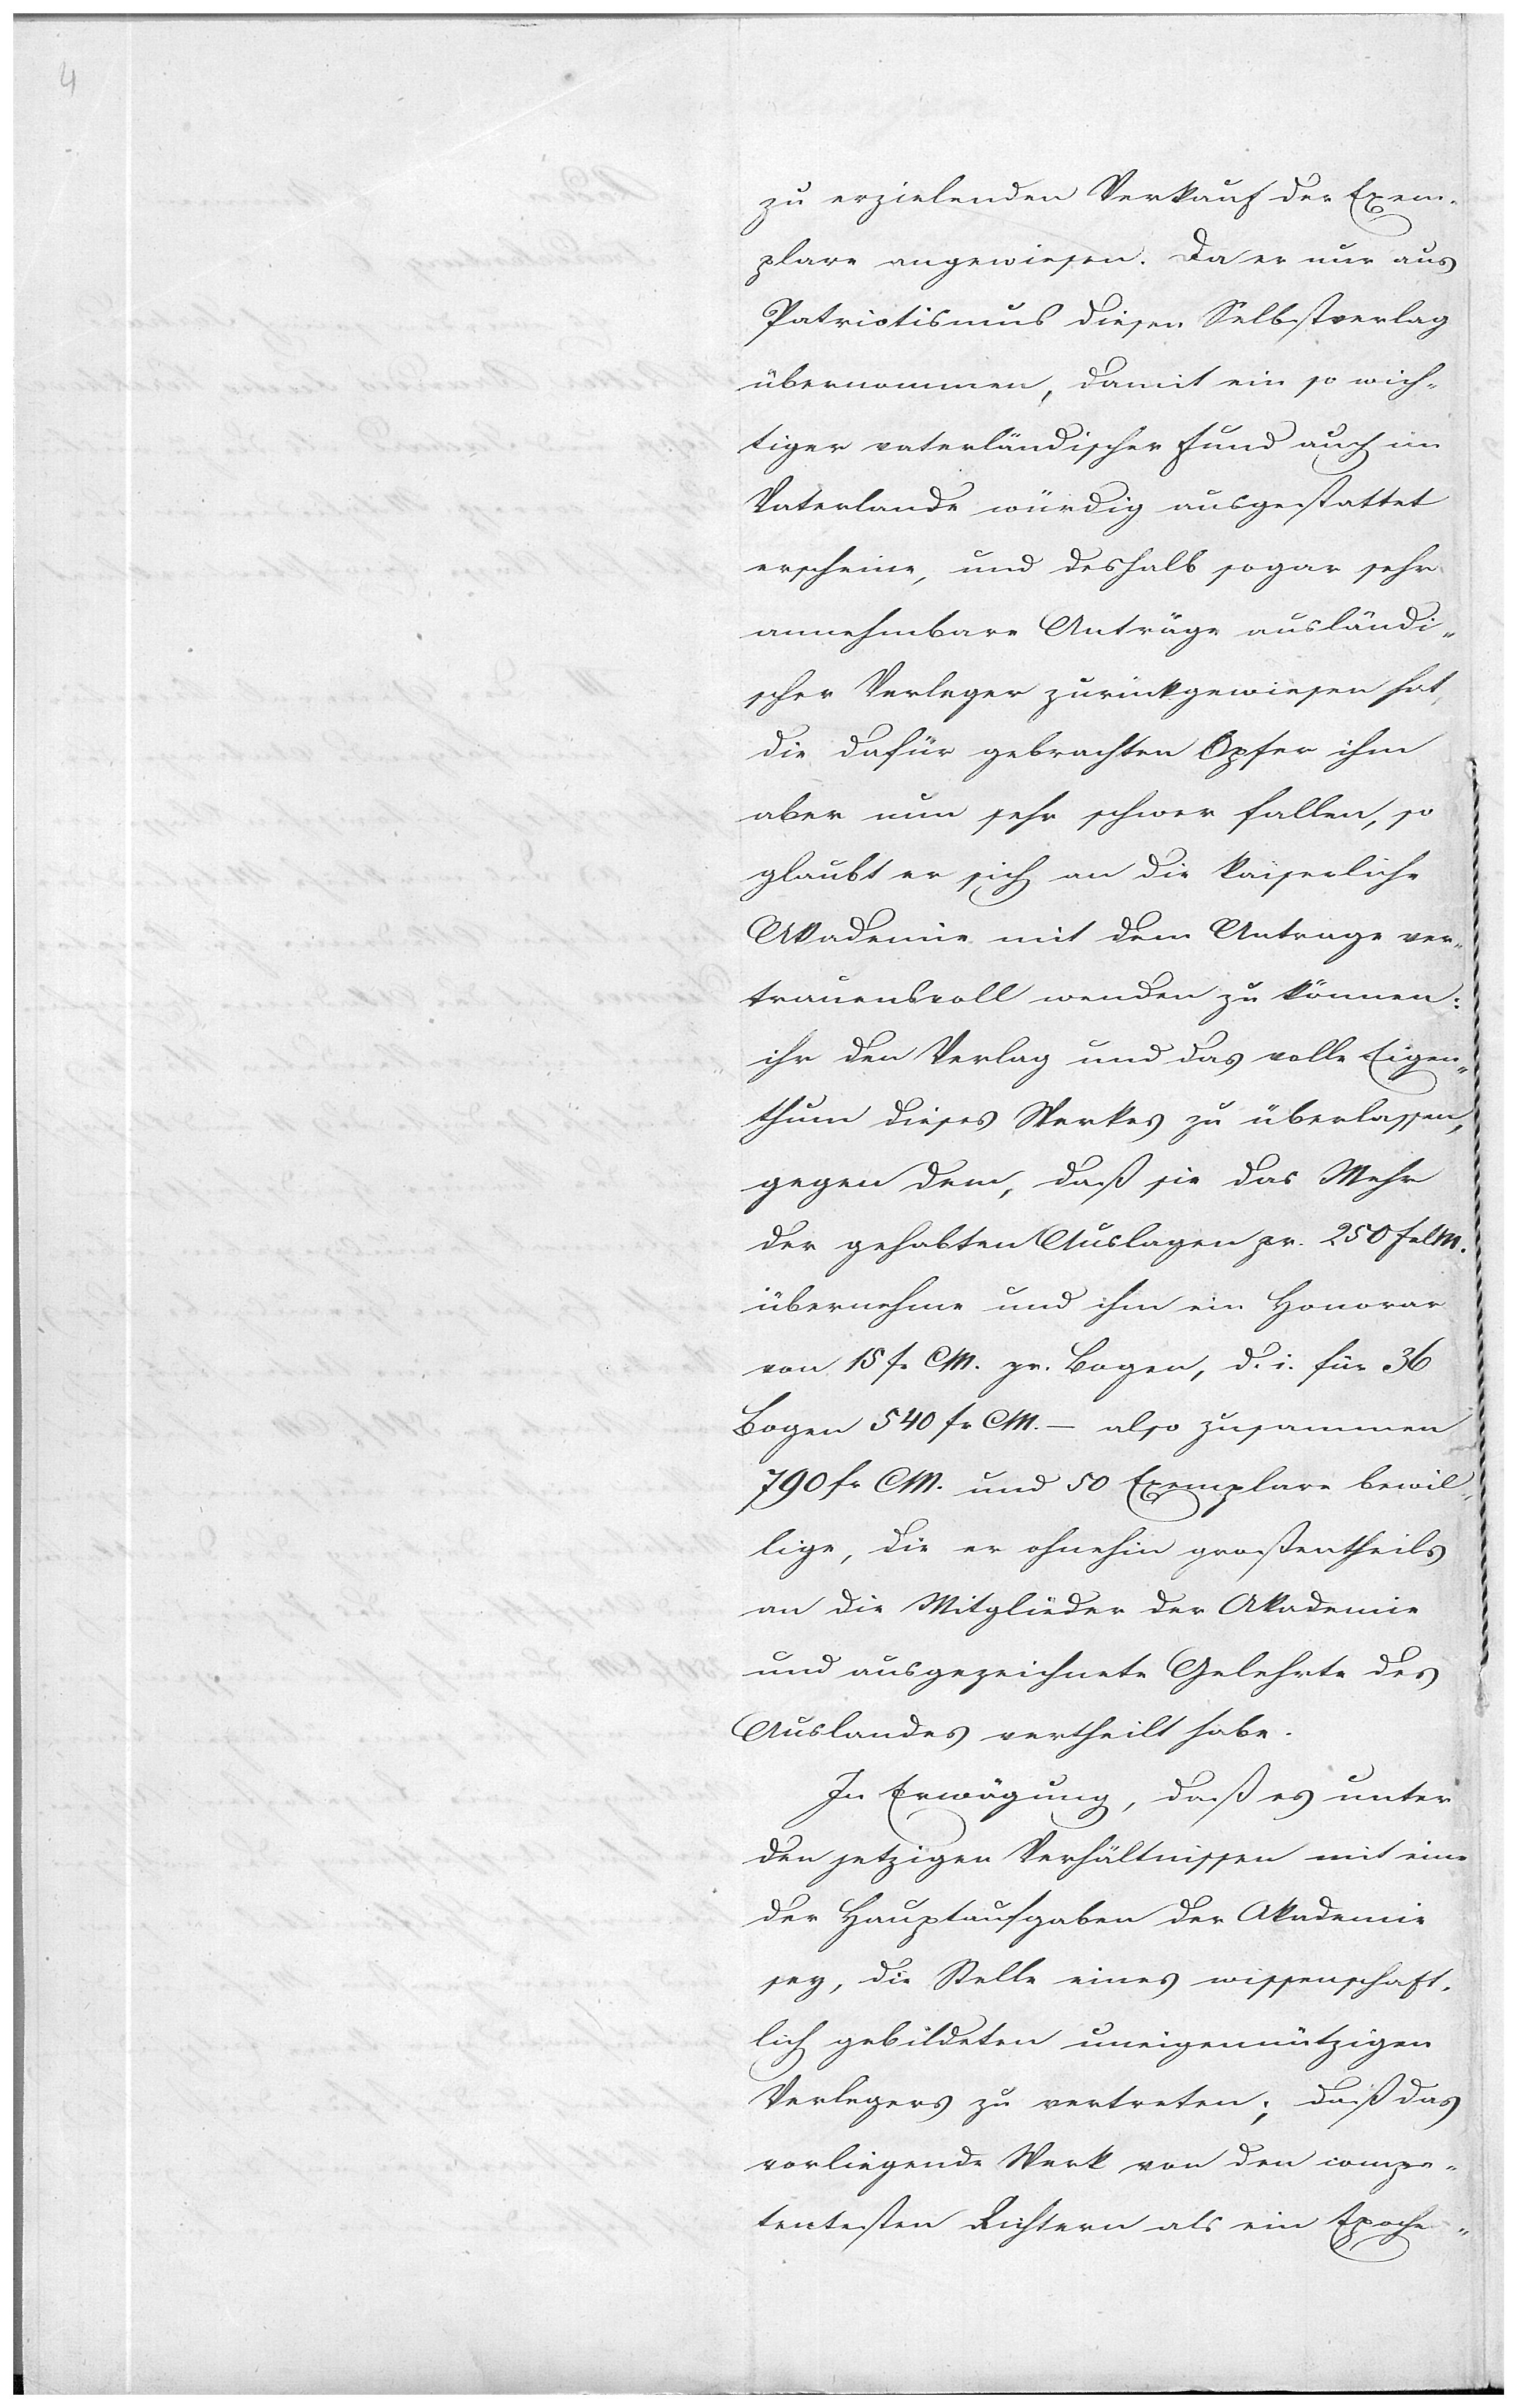zu erzielenden Verkauf der Exem-
plare angewiesen. Da er nur aus
Patriotismus diesen Selbstverlag
übernommen, damit ein so wich-
tiger vaterländischer Fund auch im
Vaterlande würdig ausgestattet
erscheine, und deshalb sogar sehr
annehmbare Anträge ausländi-
scher Verleger zurückgewiesen hat,
die dafür gebrachten Opfer ihm
aber nun sehr schwer fallen, so
glaubt er sich an die kaiserliche
Akademie mit den Antrage ver-
trauensvoll wenden zu können:
ihr den Verlag und das volle Eigen-
thum dieses Werkes zu überlassen,
gegen dem, daß sie das Mehr
der gehabten Auslagen pr 250 fl. CM
übernehme und ihm ein Honorar
von 15 fl. CM. pr. Bogen, d. i. für 36
Bogen 540 fr CM - also zusammen
790 fr CM. und 50 Exemplare bewil-
lige, die er ohnehin gröstentheils
an die Mitglieder der Akademie
und ausgezeichneter Gelehrte des
Auslandes vertheilt habe.
In Erwägung, daß es unter
den jetzigen Verhältnissen mit eine
der Hauptaufgaben der Akademie
sey, die Stelle eines wissenschaft-
lich gebildeten uneigenützigen
Verlegers zu vertreten; daß das
vorliegenden Wort von den compe-
tentesten Richtern als ein Epoche-